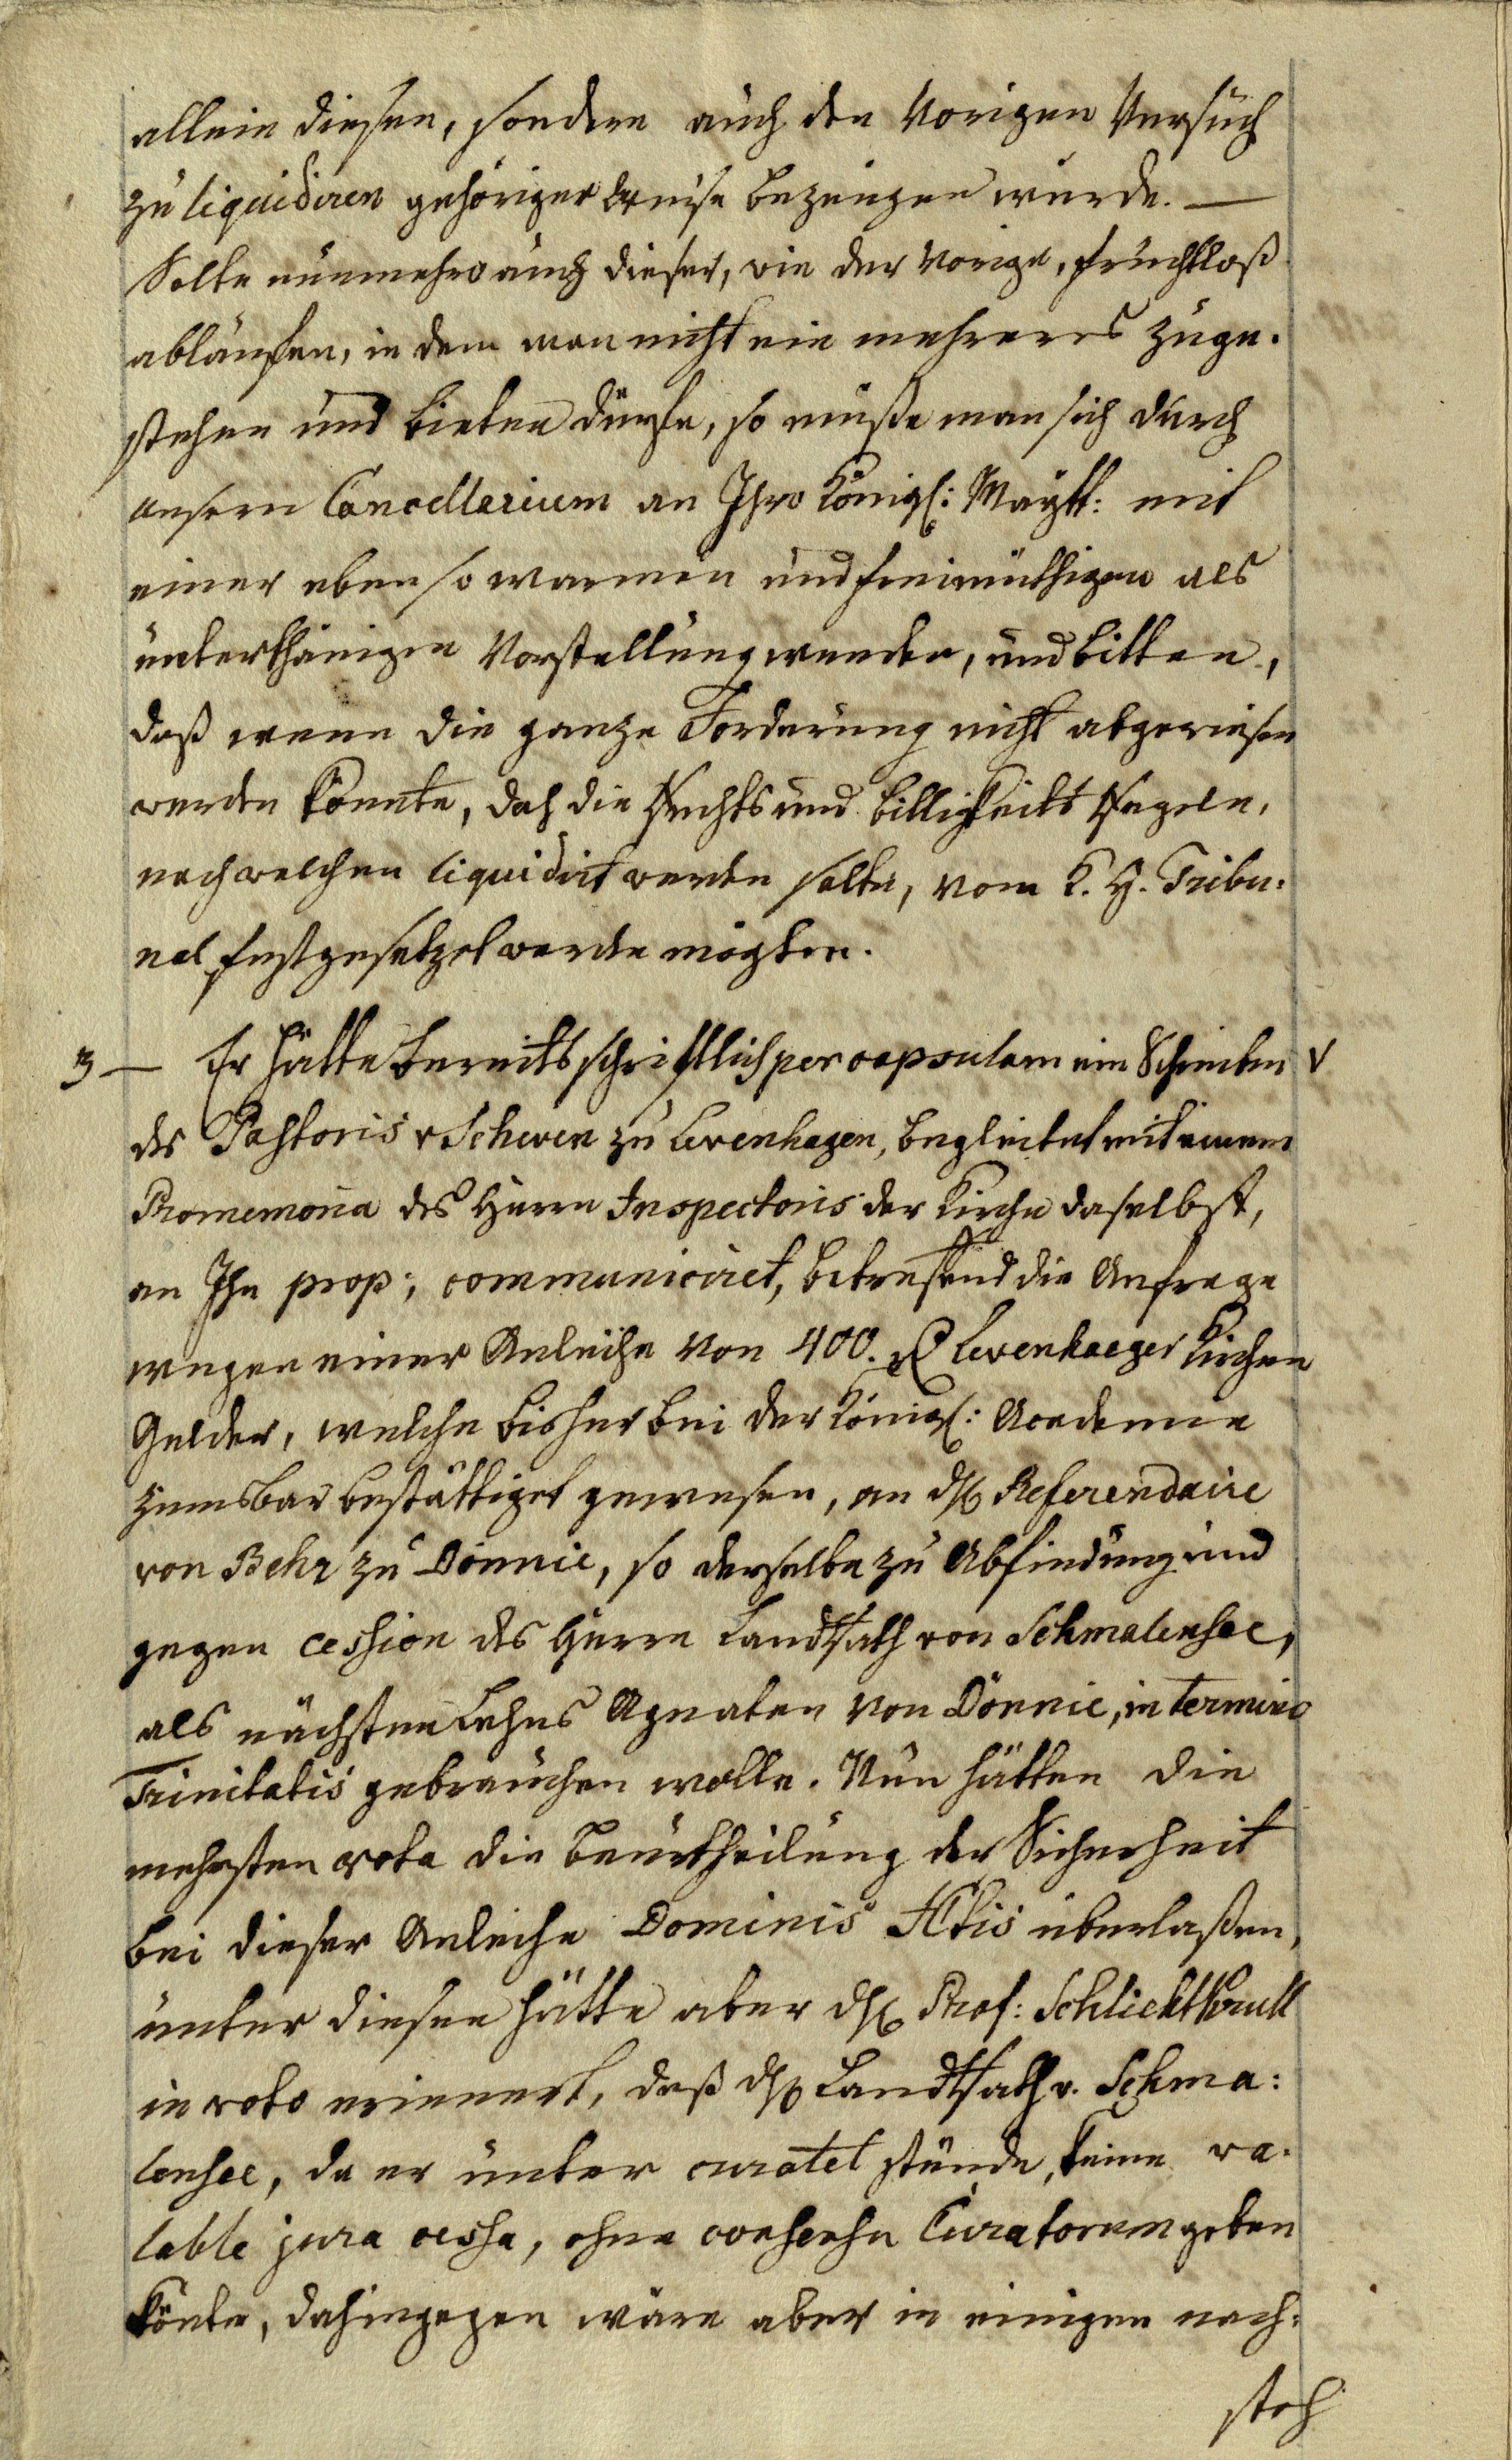allein diesen, sondern auch den vorigen Versuch
zu liquidiren gehöriger Weise bezeugen würde. -
Solte nunmehro dieser, wie der vorige, fruchtloß
ablaufen, in dem man nicht ein mehreres zuge¬
stehen und bieten dürfe, so müße man sich durch
unsern Cancellarium an Ihro Königl. Maÿtt. mit
einer ebenso warmen und freimüthigen als
unterthänigen Vorstellung wenden, und bitten,
daß wenn die ganze Forderung nicht abgewiesen
werden könnte, das die Rechts und Billigkeits Regeln,
nach welchen liquidirt werden solte, vom K. H. Tribu¬
nal festgesetzet werden mögten.
3. Er hätte bereits schriftlich per capsulam ein Schreiben
des Pastoris v Scheven zu Levenhagen, begleitet mit einem
Promemoria des Herrn Inspectoris der Kirche daselbst,
an Ihn prop. communiciret, betreffend die Anfrage
wegen einer Anleihe von 400. rt. Levenhaeger Kirchen
Gelder, welche bisher bei der Königl. Academie
zinnsbar bestättiget gewesen, an dh Referendaire
von Behr zu Dönnie, so derselbe zu Abfindung und
gegen cession des Herrn LandRath von Schmalensee,
als nächsten Lehns Agnaten von Dönnie, in termino
Trinitatis gebrauchen wolle. Nun hätten die
mehrsten vota die Beurtheilung der Sicherheit
bei dieser Anleihe Dominis Actis überlaßen,
unter diesen hätte aber dh Prof. Schlichtkrull
in voto erinnert, daß dh LandRath v. Schma¬
lensee, da er unter curatel stünde, keine va¬
table jura cessa, ohne consense Curatorem geben
könte, dahingegen wäre aber in einigen nach¬
steh